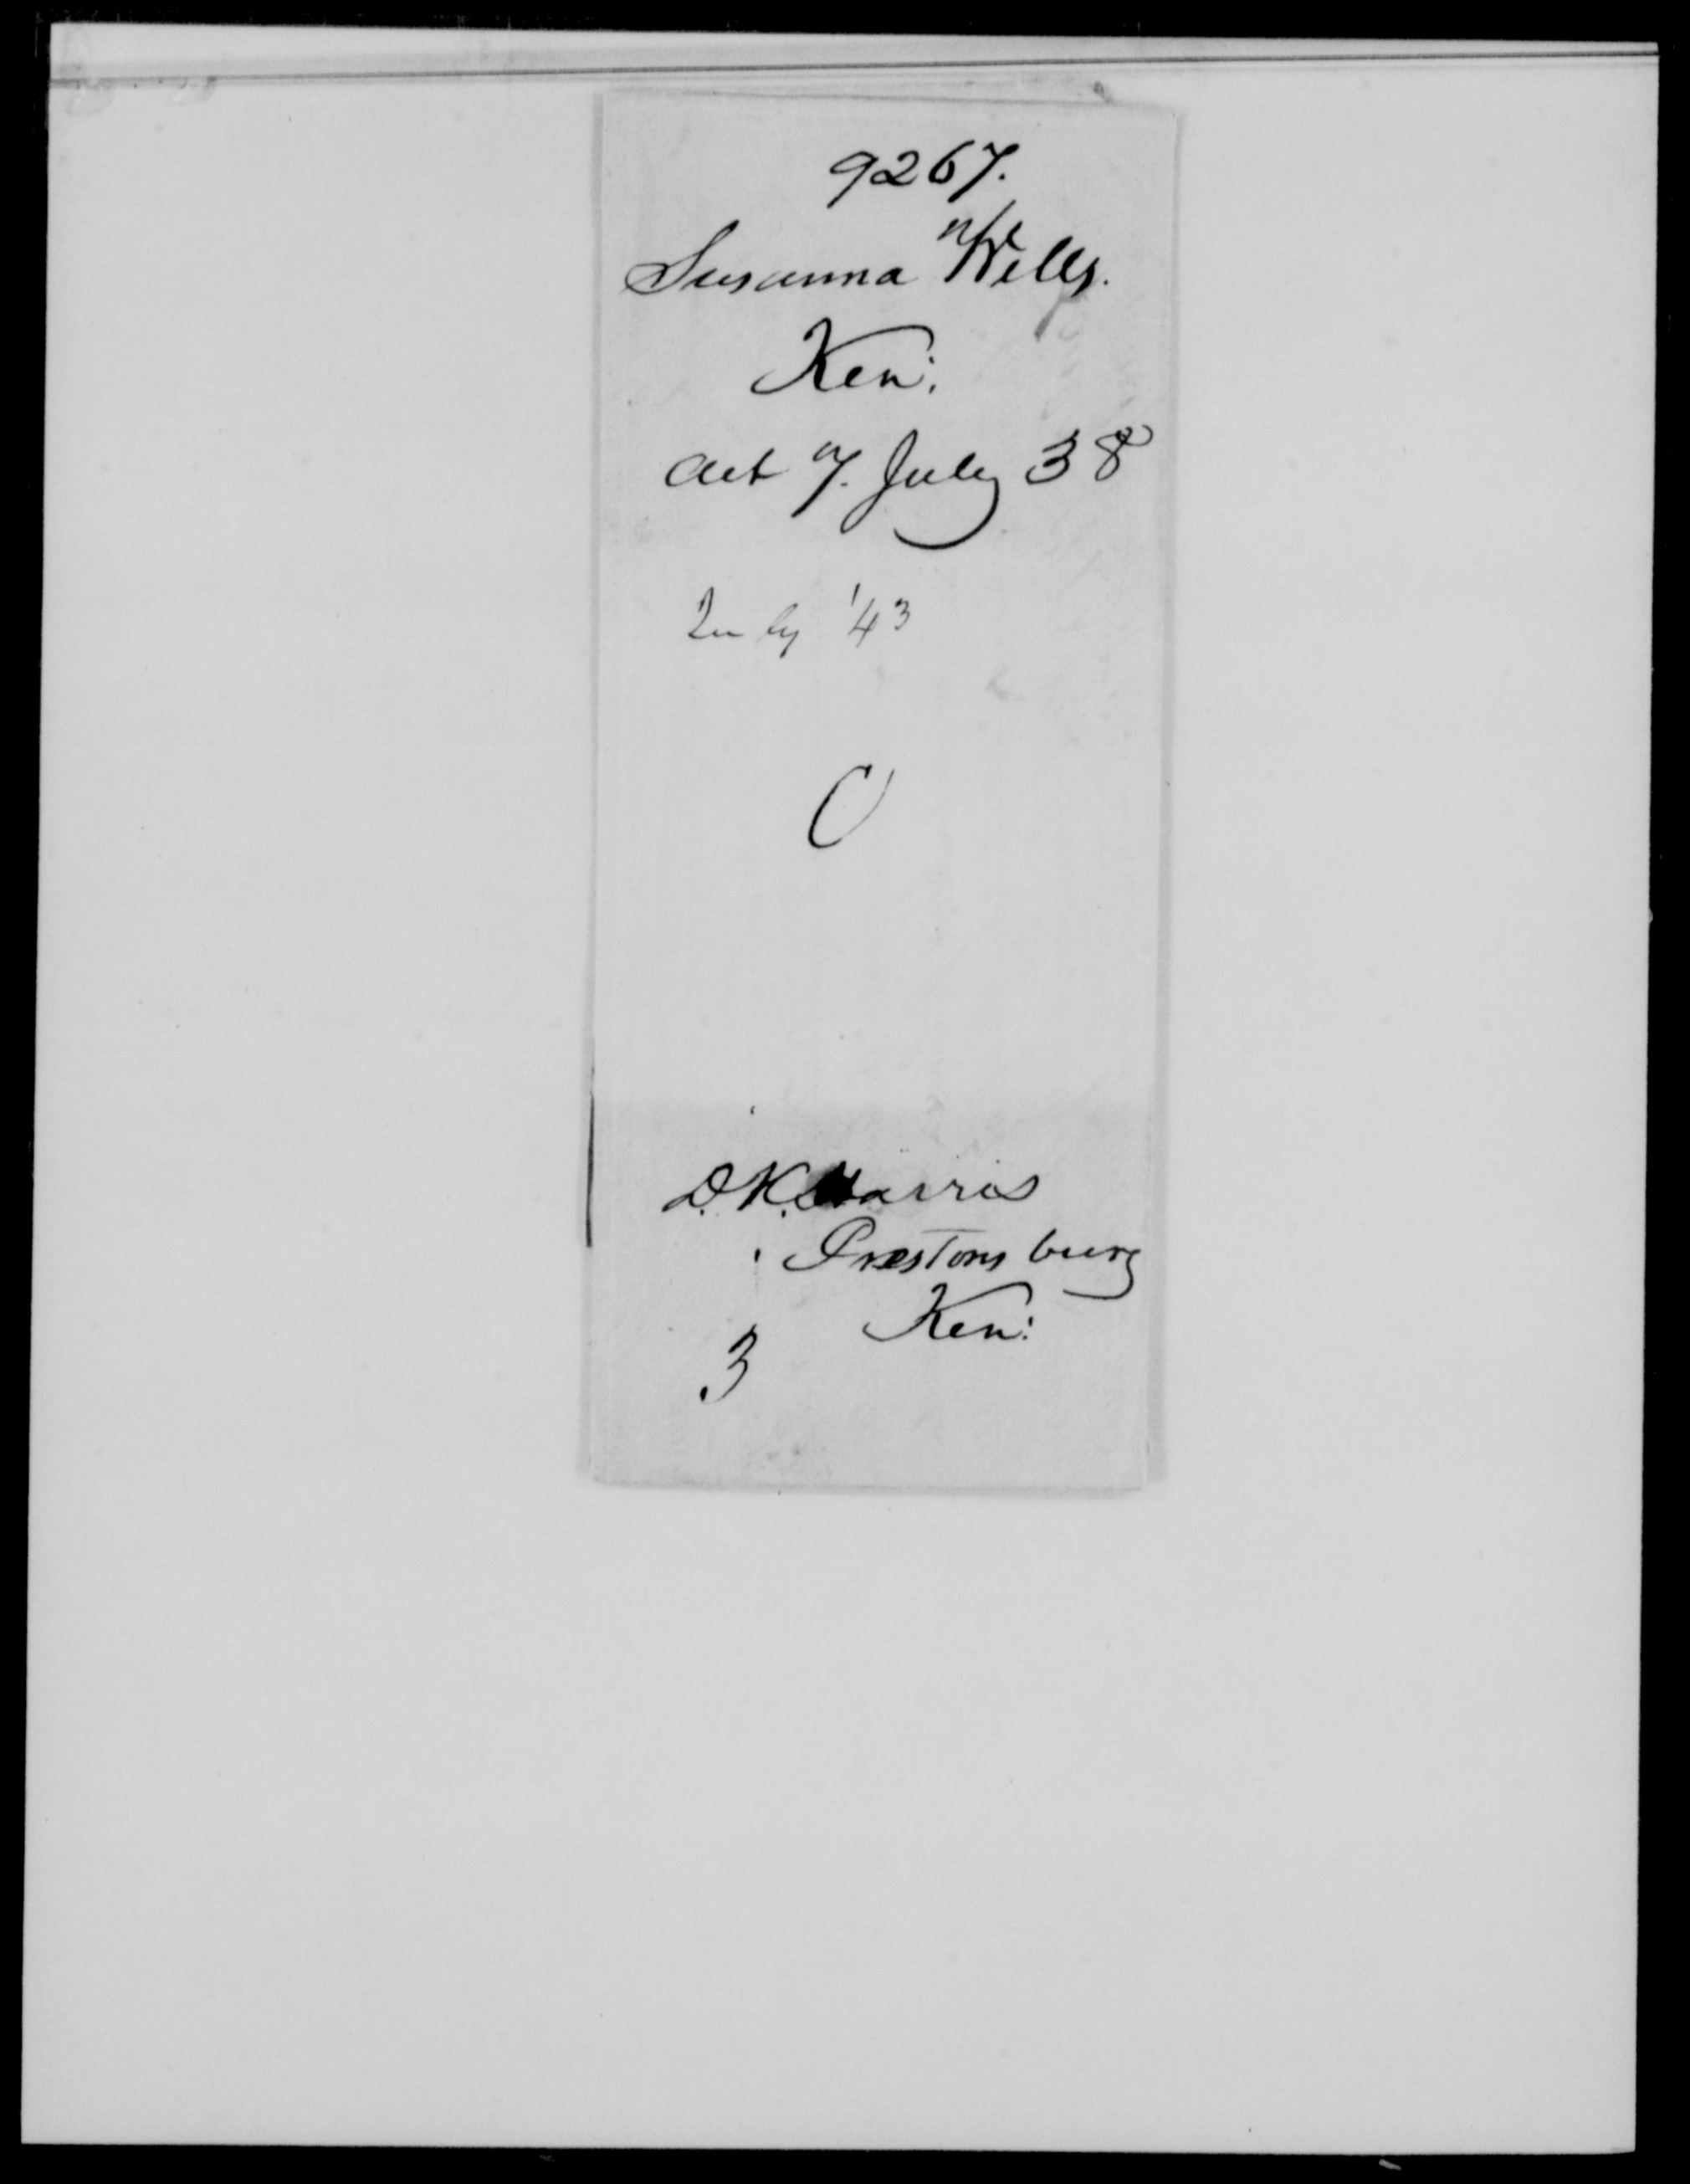9267 Susanna Wells Ken. act 7 July 38 July '43 C   D. K. Harris Prestonsburg Ken.    3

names: Susanna Wells, D K Harris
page: 32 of 100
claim: widow's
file: W. 6437, Richard Wells, Ga Va.